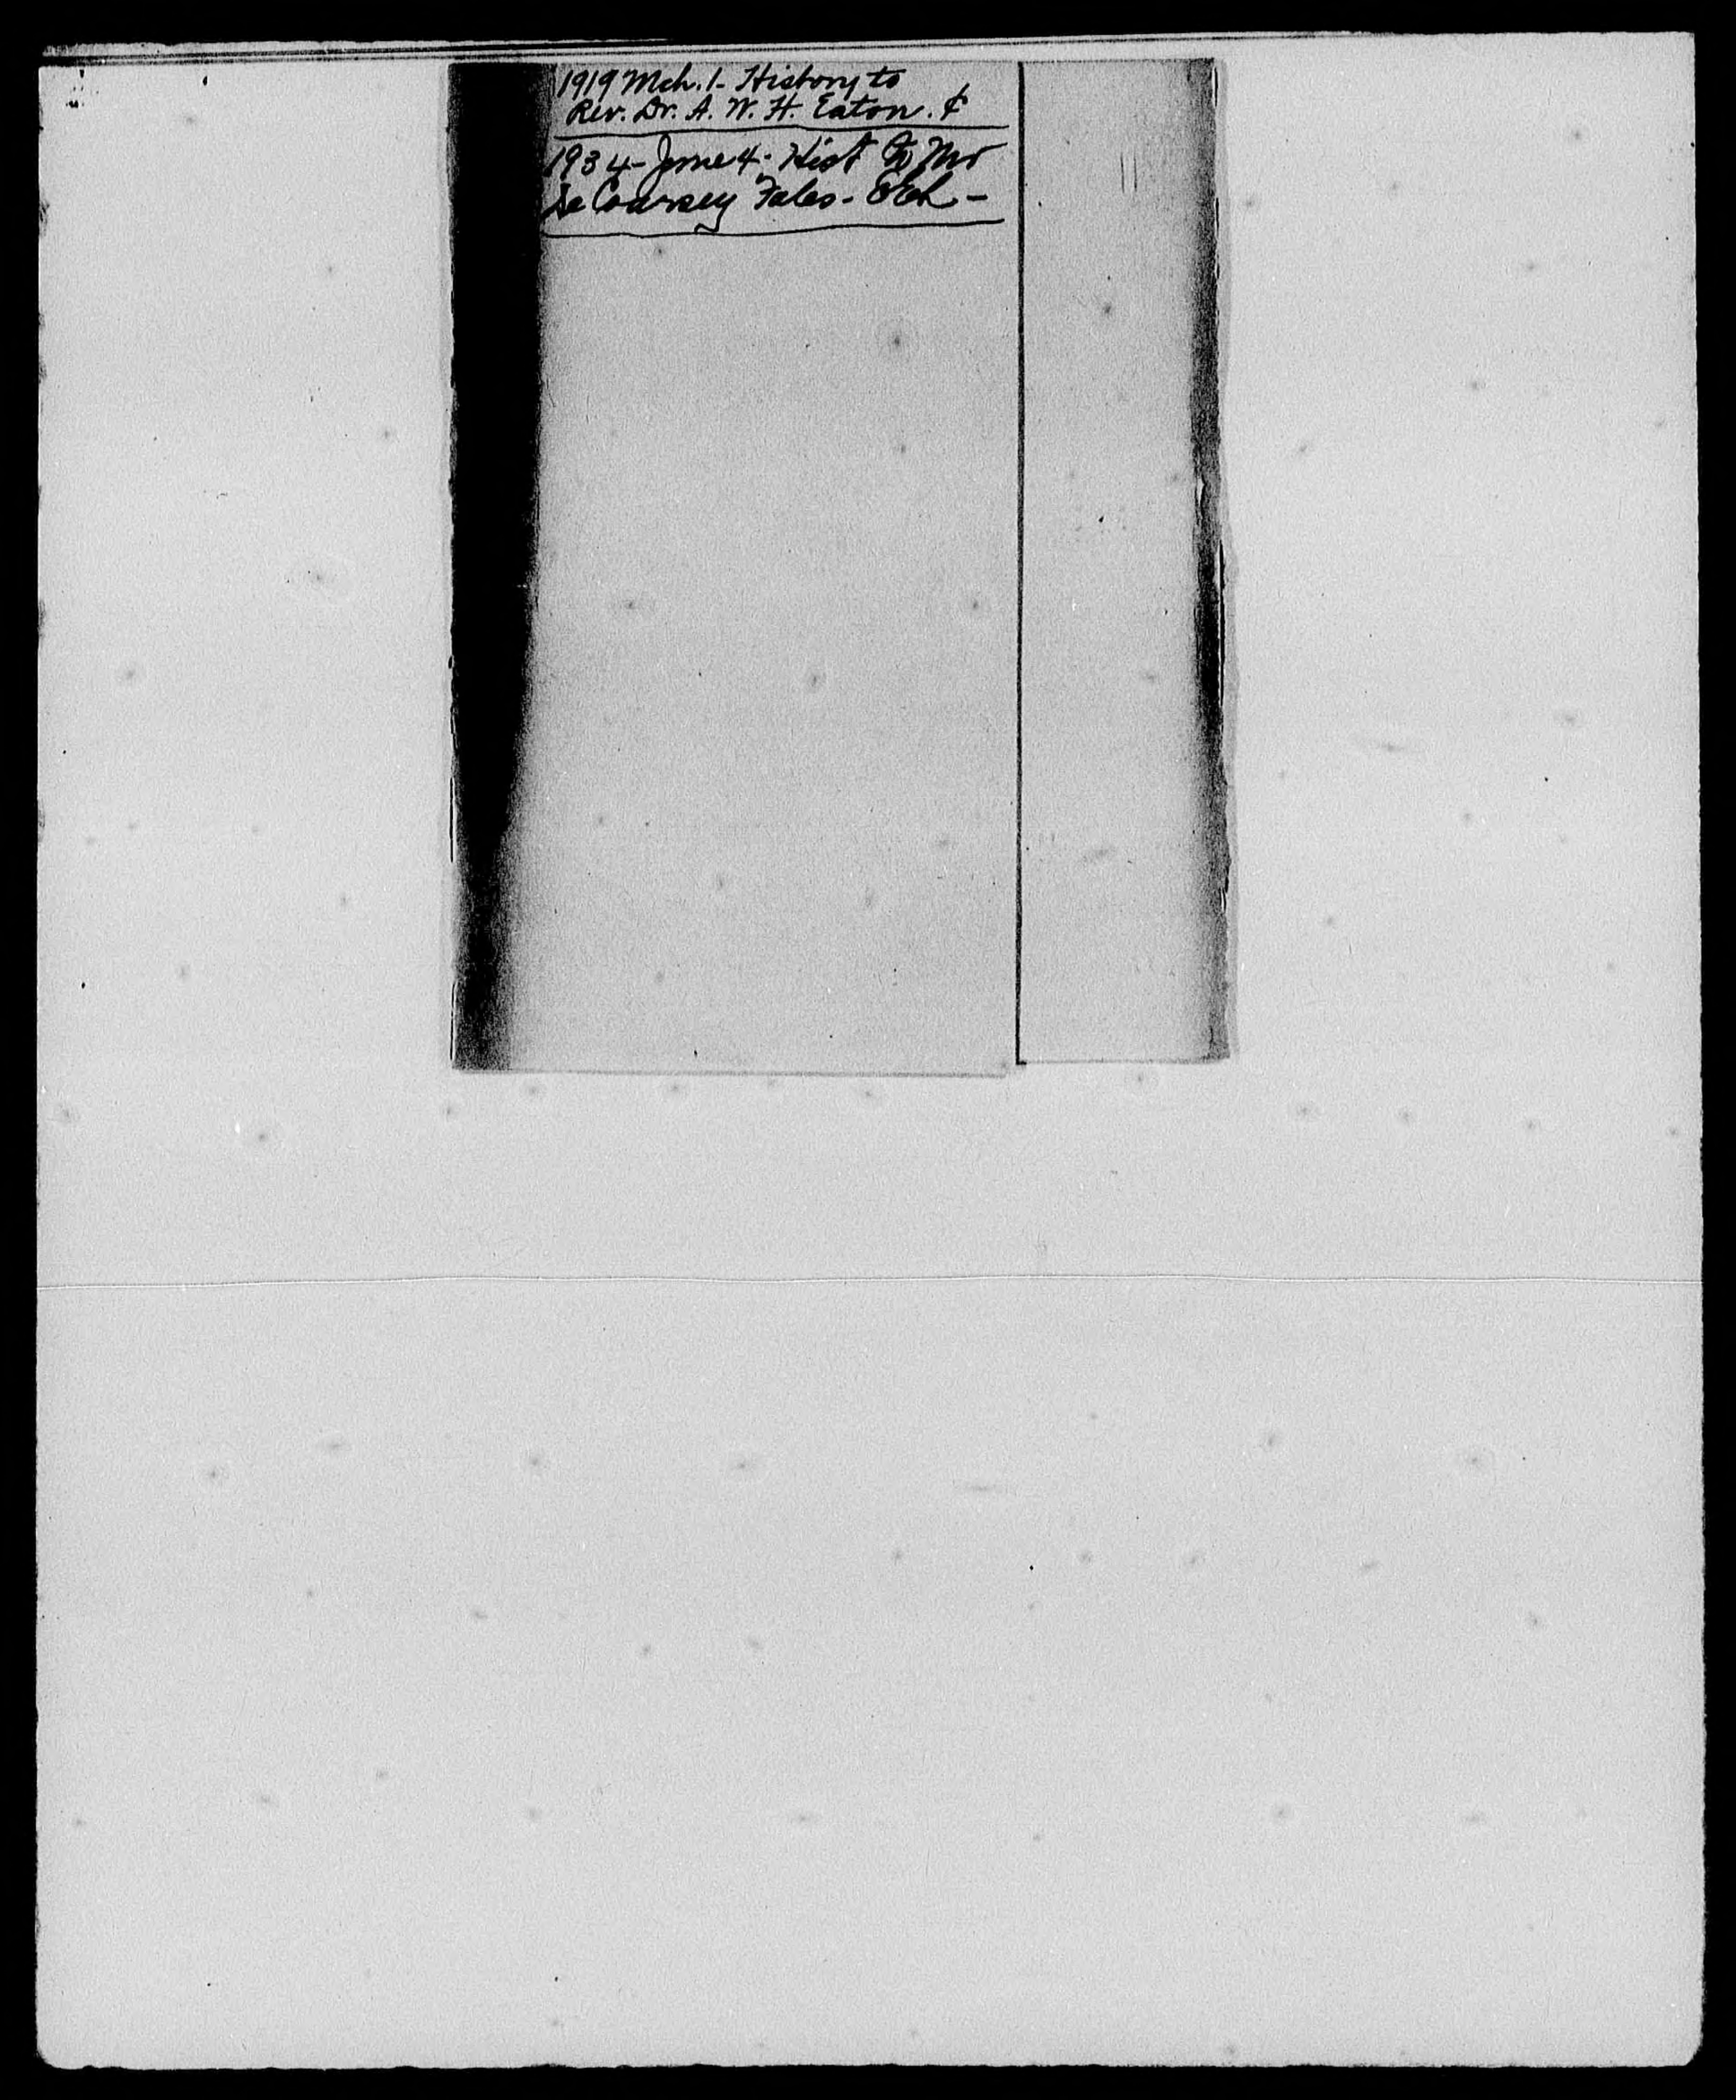1919 Mch 1 history to Rev. Dr. A. W. H. Eaton

1934 June 4, Hist. R. War
Coarsey Fales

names: W H Eaton, De Coursey Fales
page: 25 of 32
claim: widow's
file: W. 24,173, Nathaniel Fales, R.I.